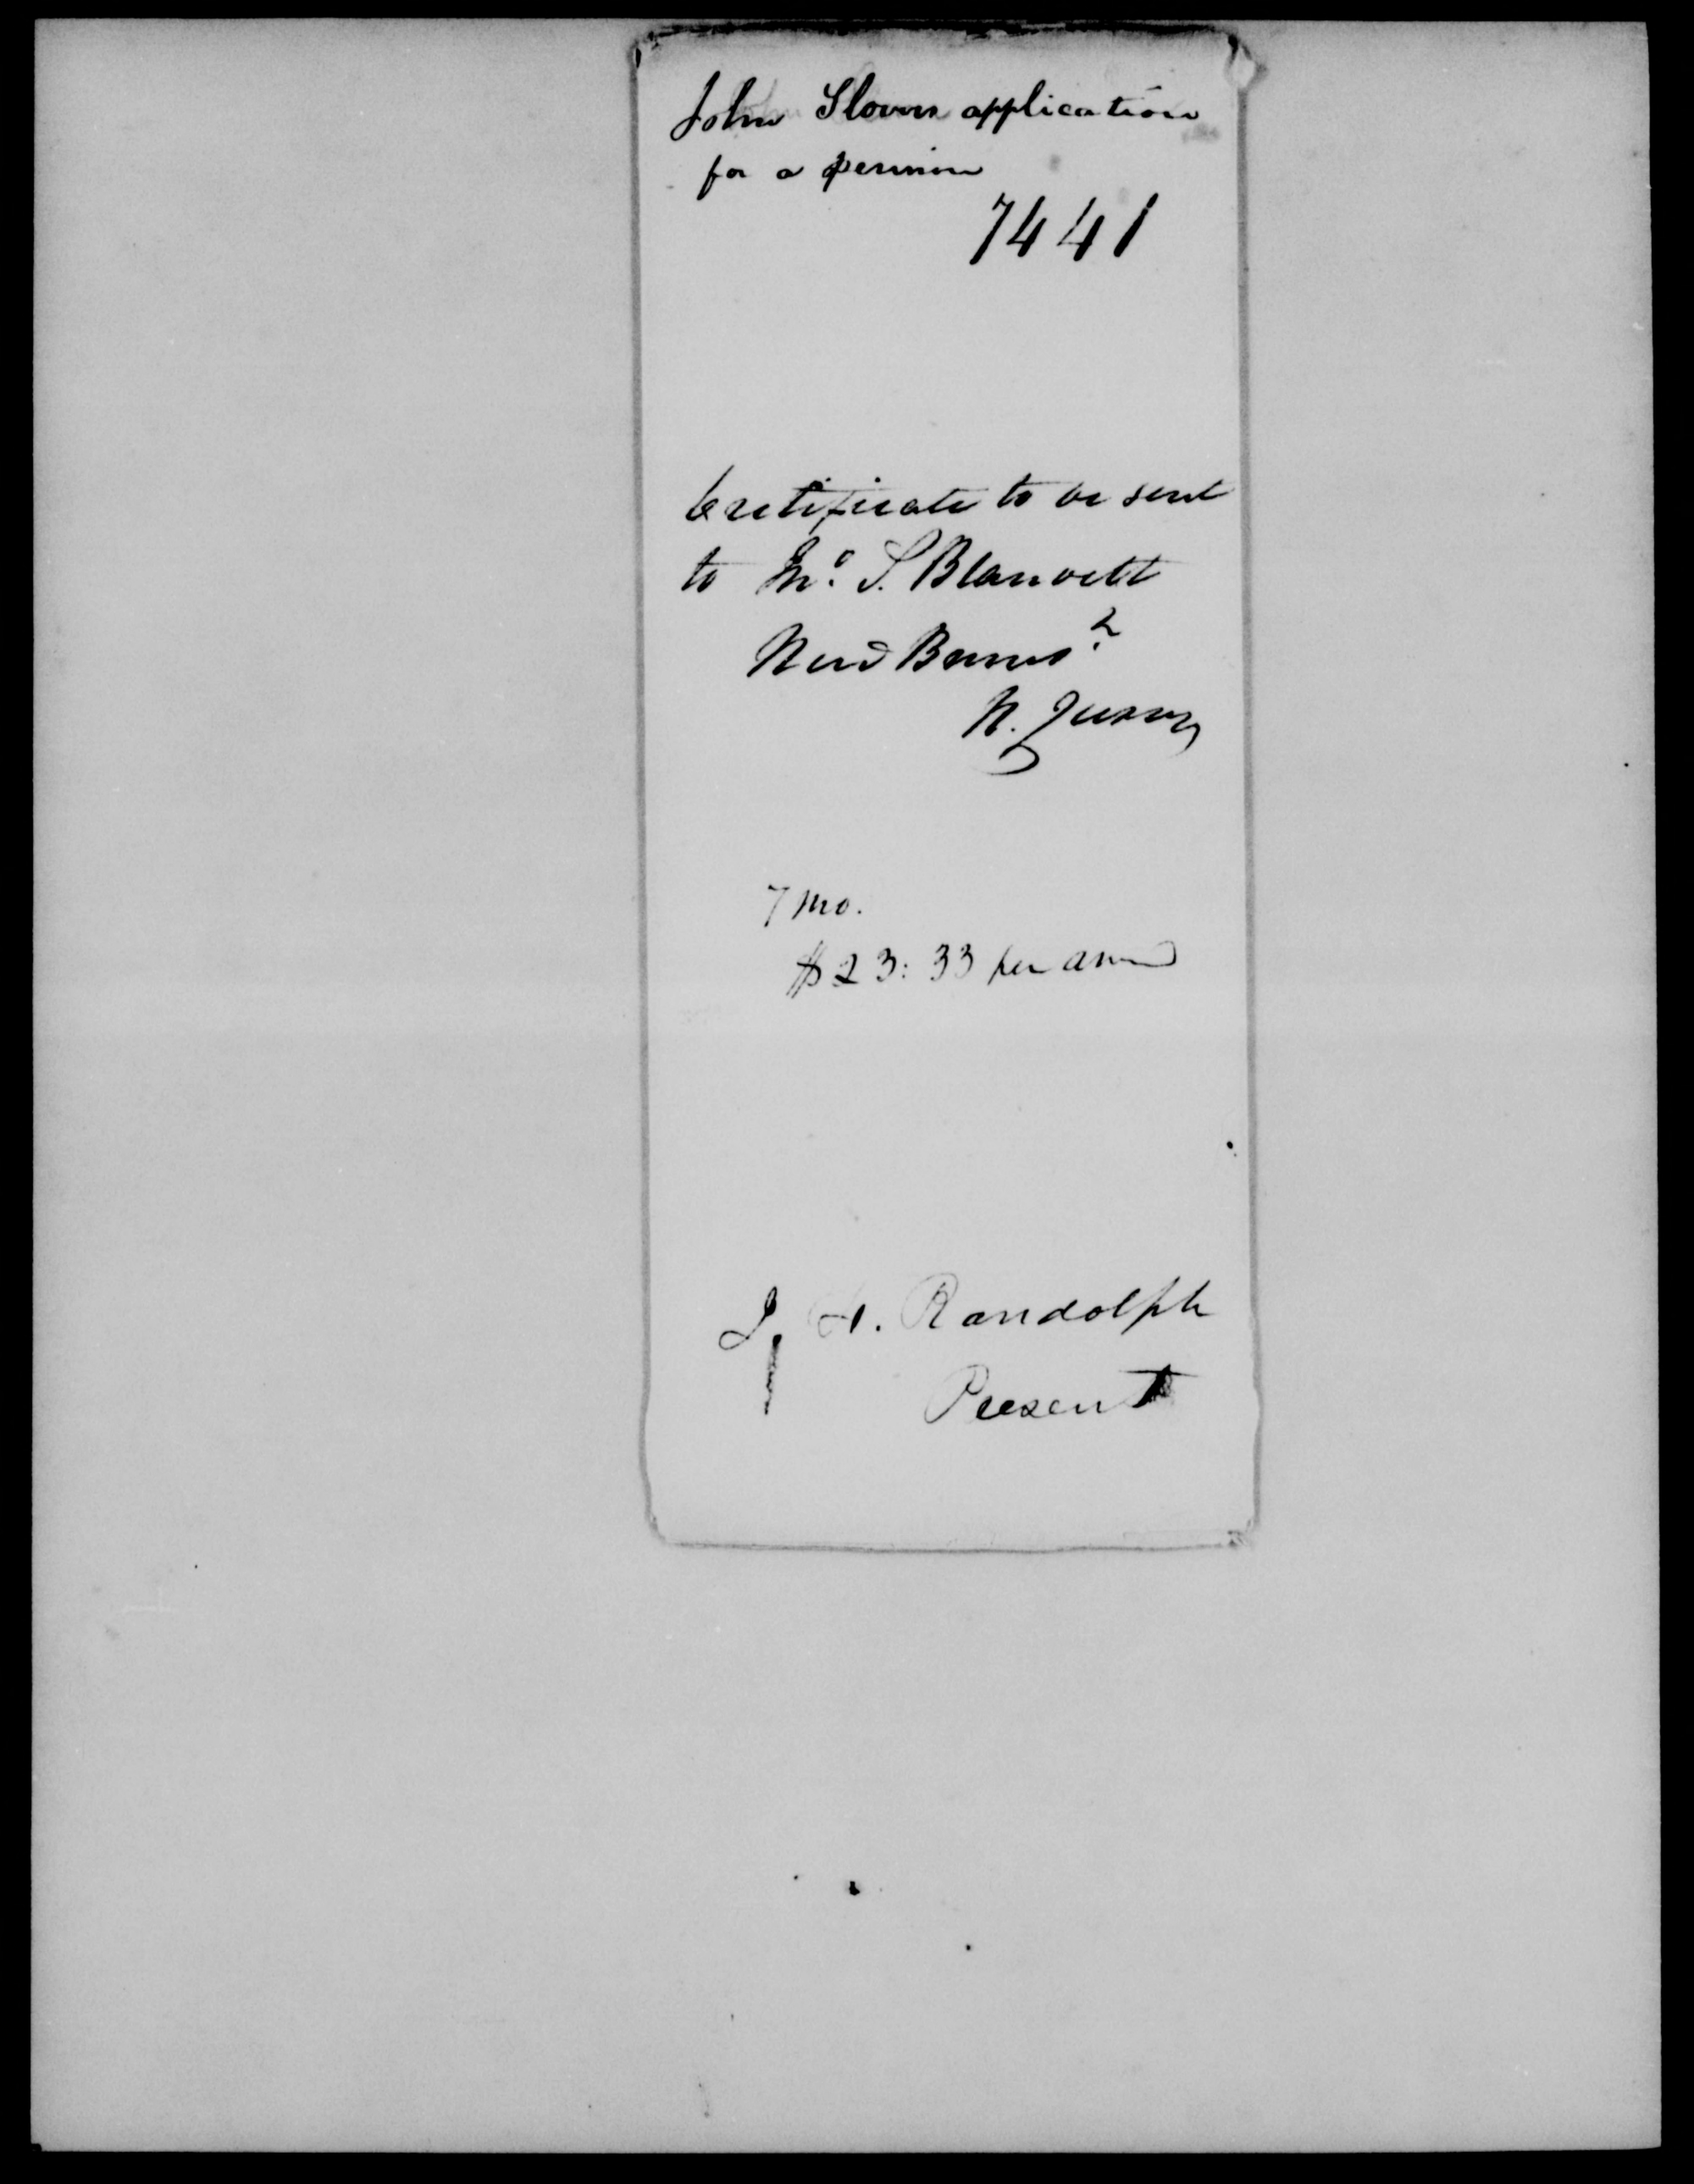John Slover application for a pension 7441

Certificate to be sent to Mr. S Blanvelt
New Brunswick N. Jersey

7 mo.
$23.33 per anum 

S J Randolph
Present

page: 4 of 46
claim: widow's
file: W. 6205, for John Slover, New Jersey